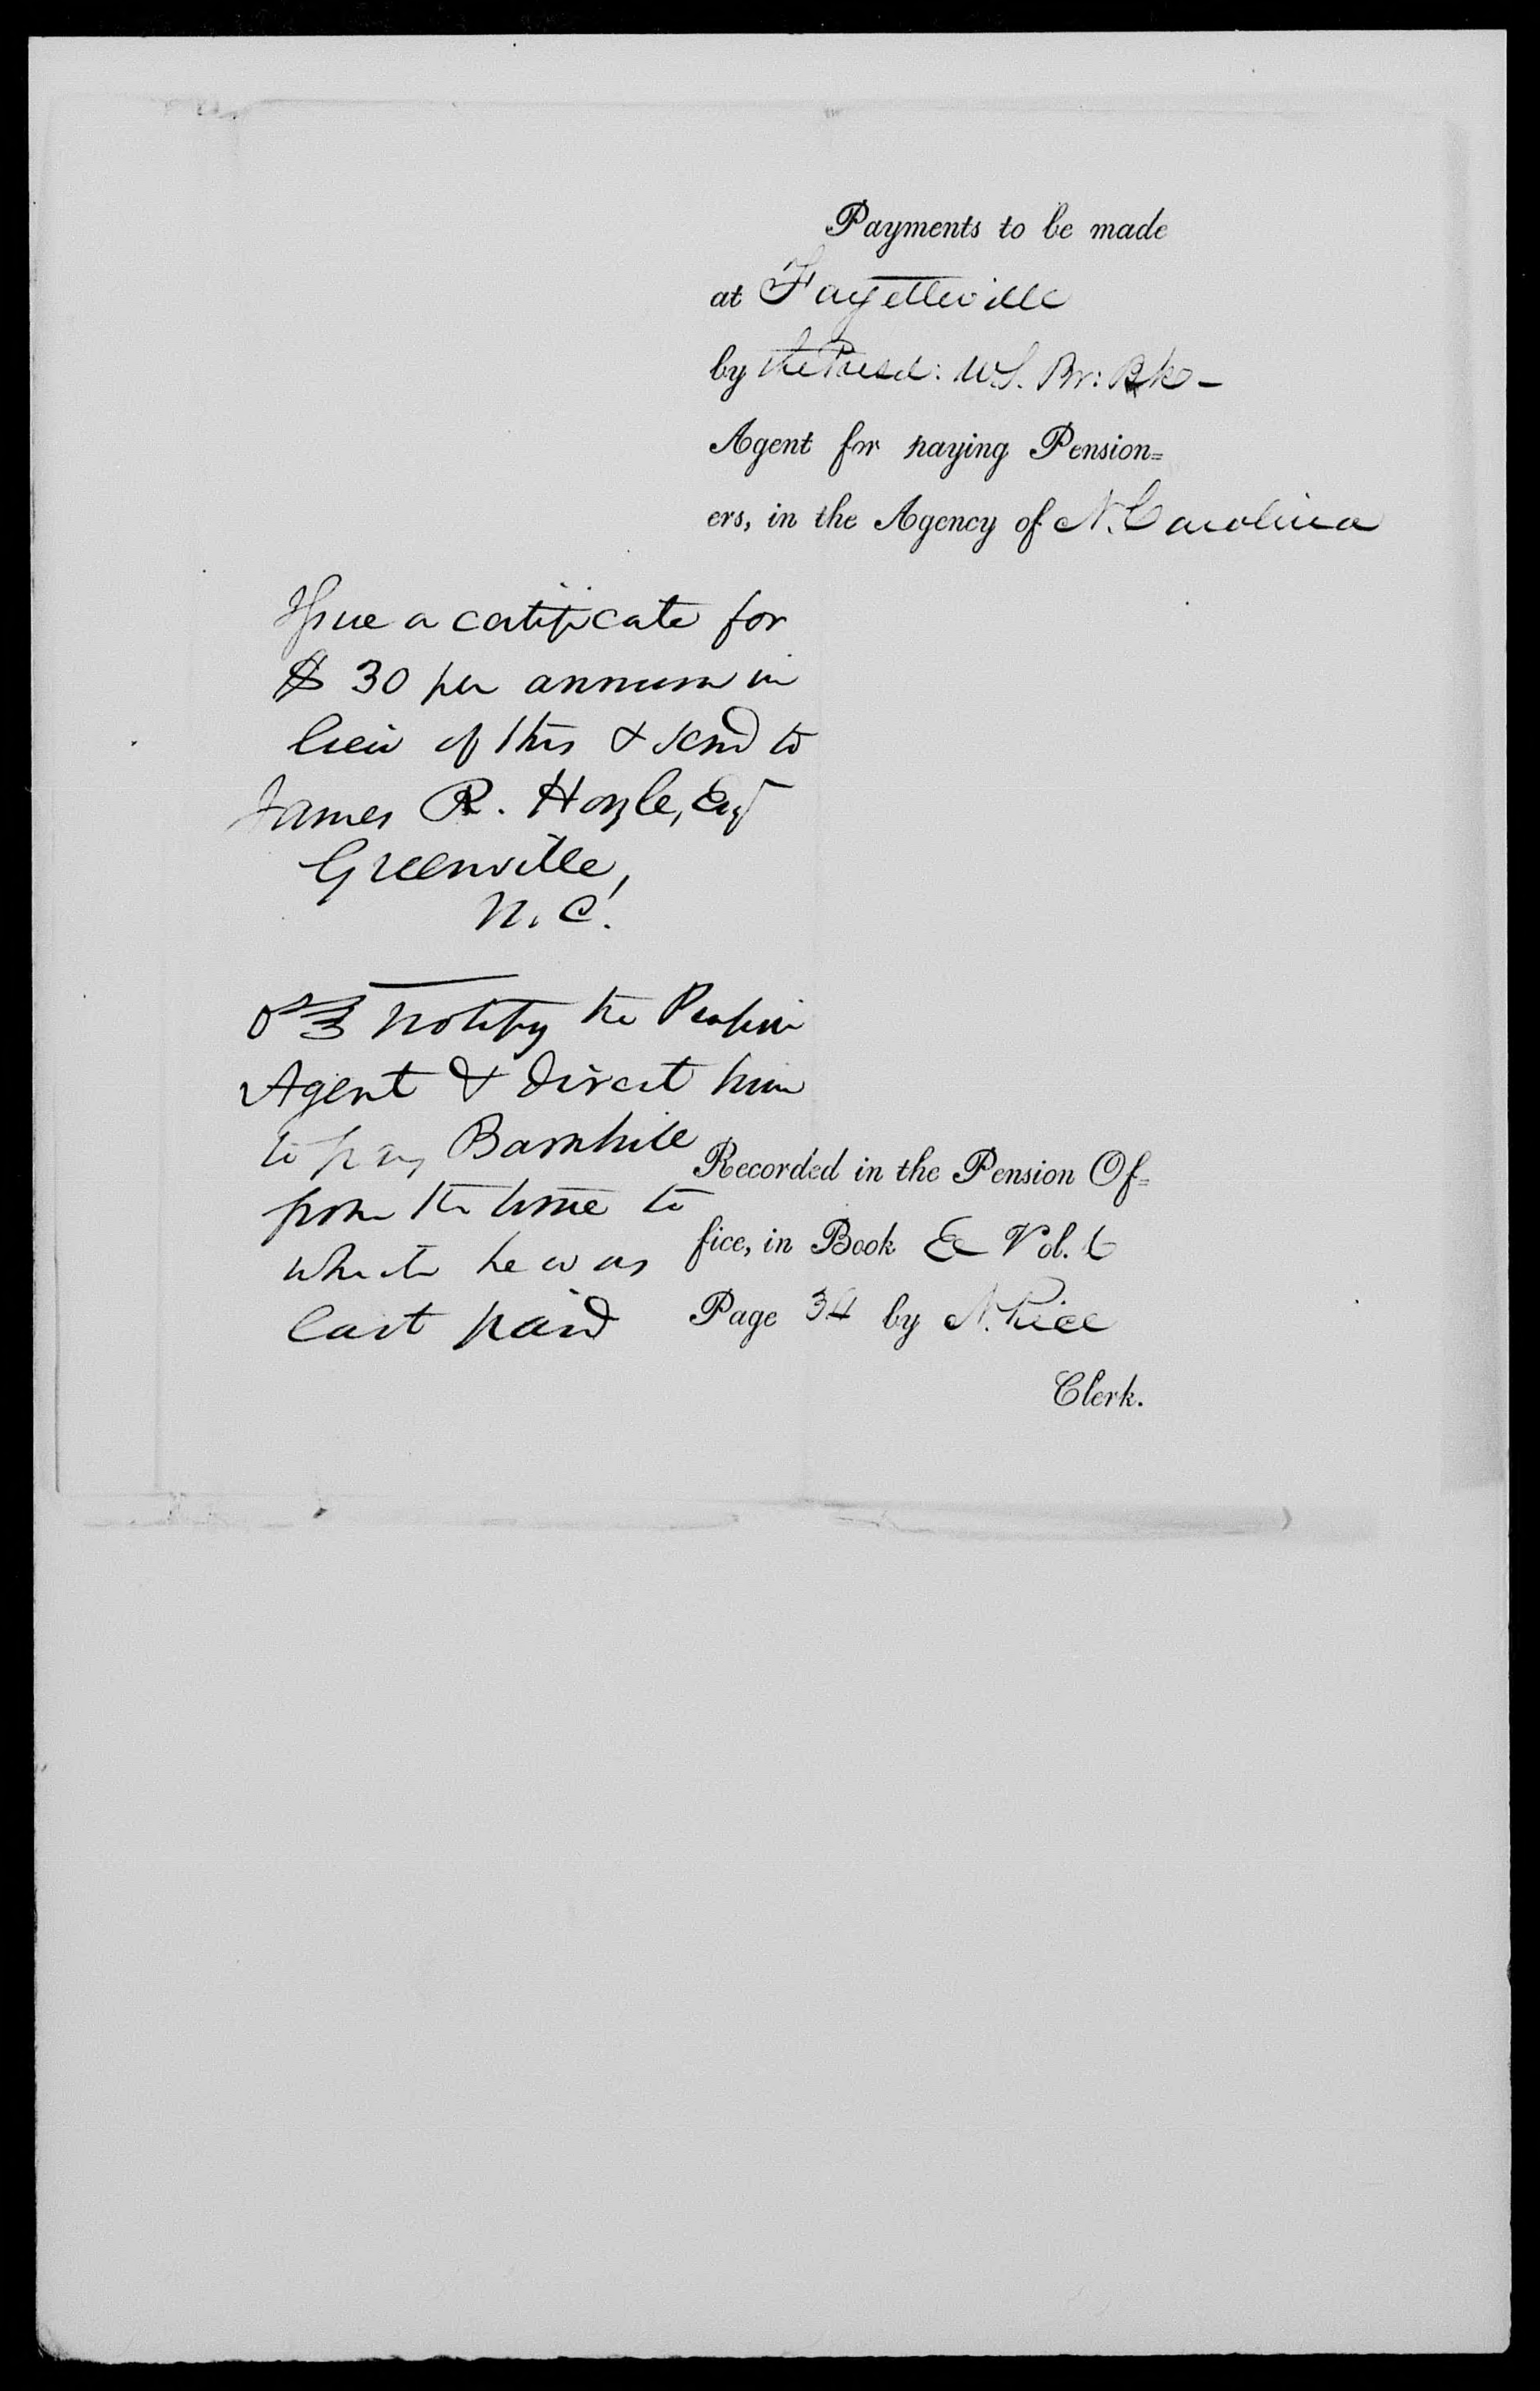Payments to be made at Fayetteville by the Presd: W.S. Br: Bk - Agent for paying Pensioners, in the Agency of N. Carolina

Issue a certificate for $30 per annum in lieu of this & send to James R. Hoyle, Esqr Greenville, N.C.
___________
[drawing of a hand pointing] notify the Pension Agent & direct him to pay Barnhill from the time to which he was last paid

Recorded in the Pension Office, in Book E   Vol. C   Page 34 by N. Rice
Clerk.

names: Barnhill, James R Hoyle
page: 33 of 42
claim: survivor's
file: S. 6579, Henry Barnhill, N. C.